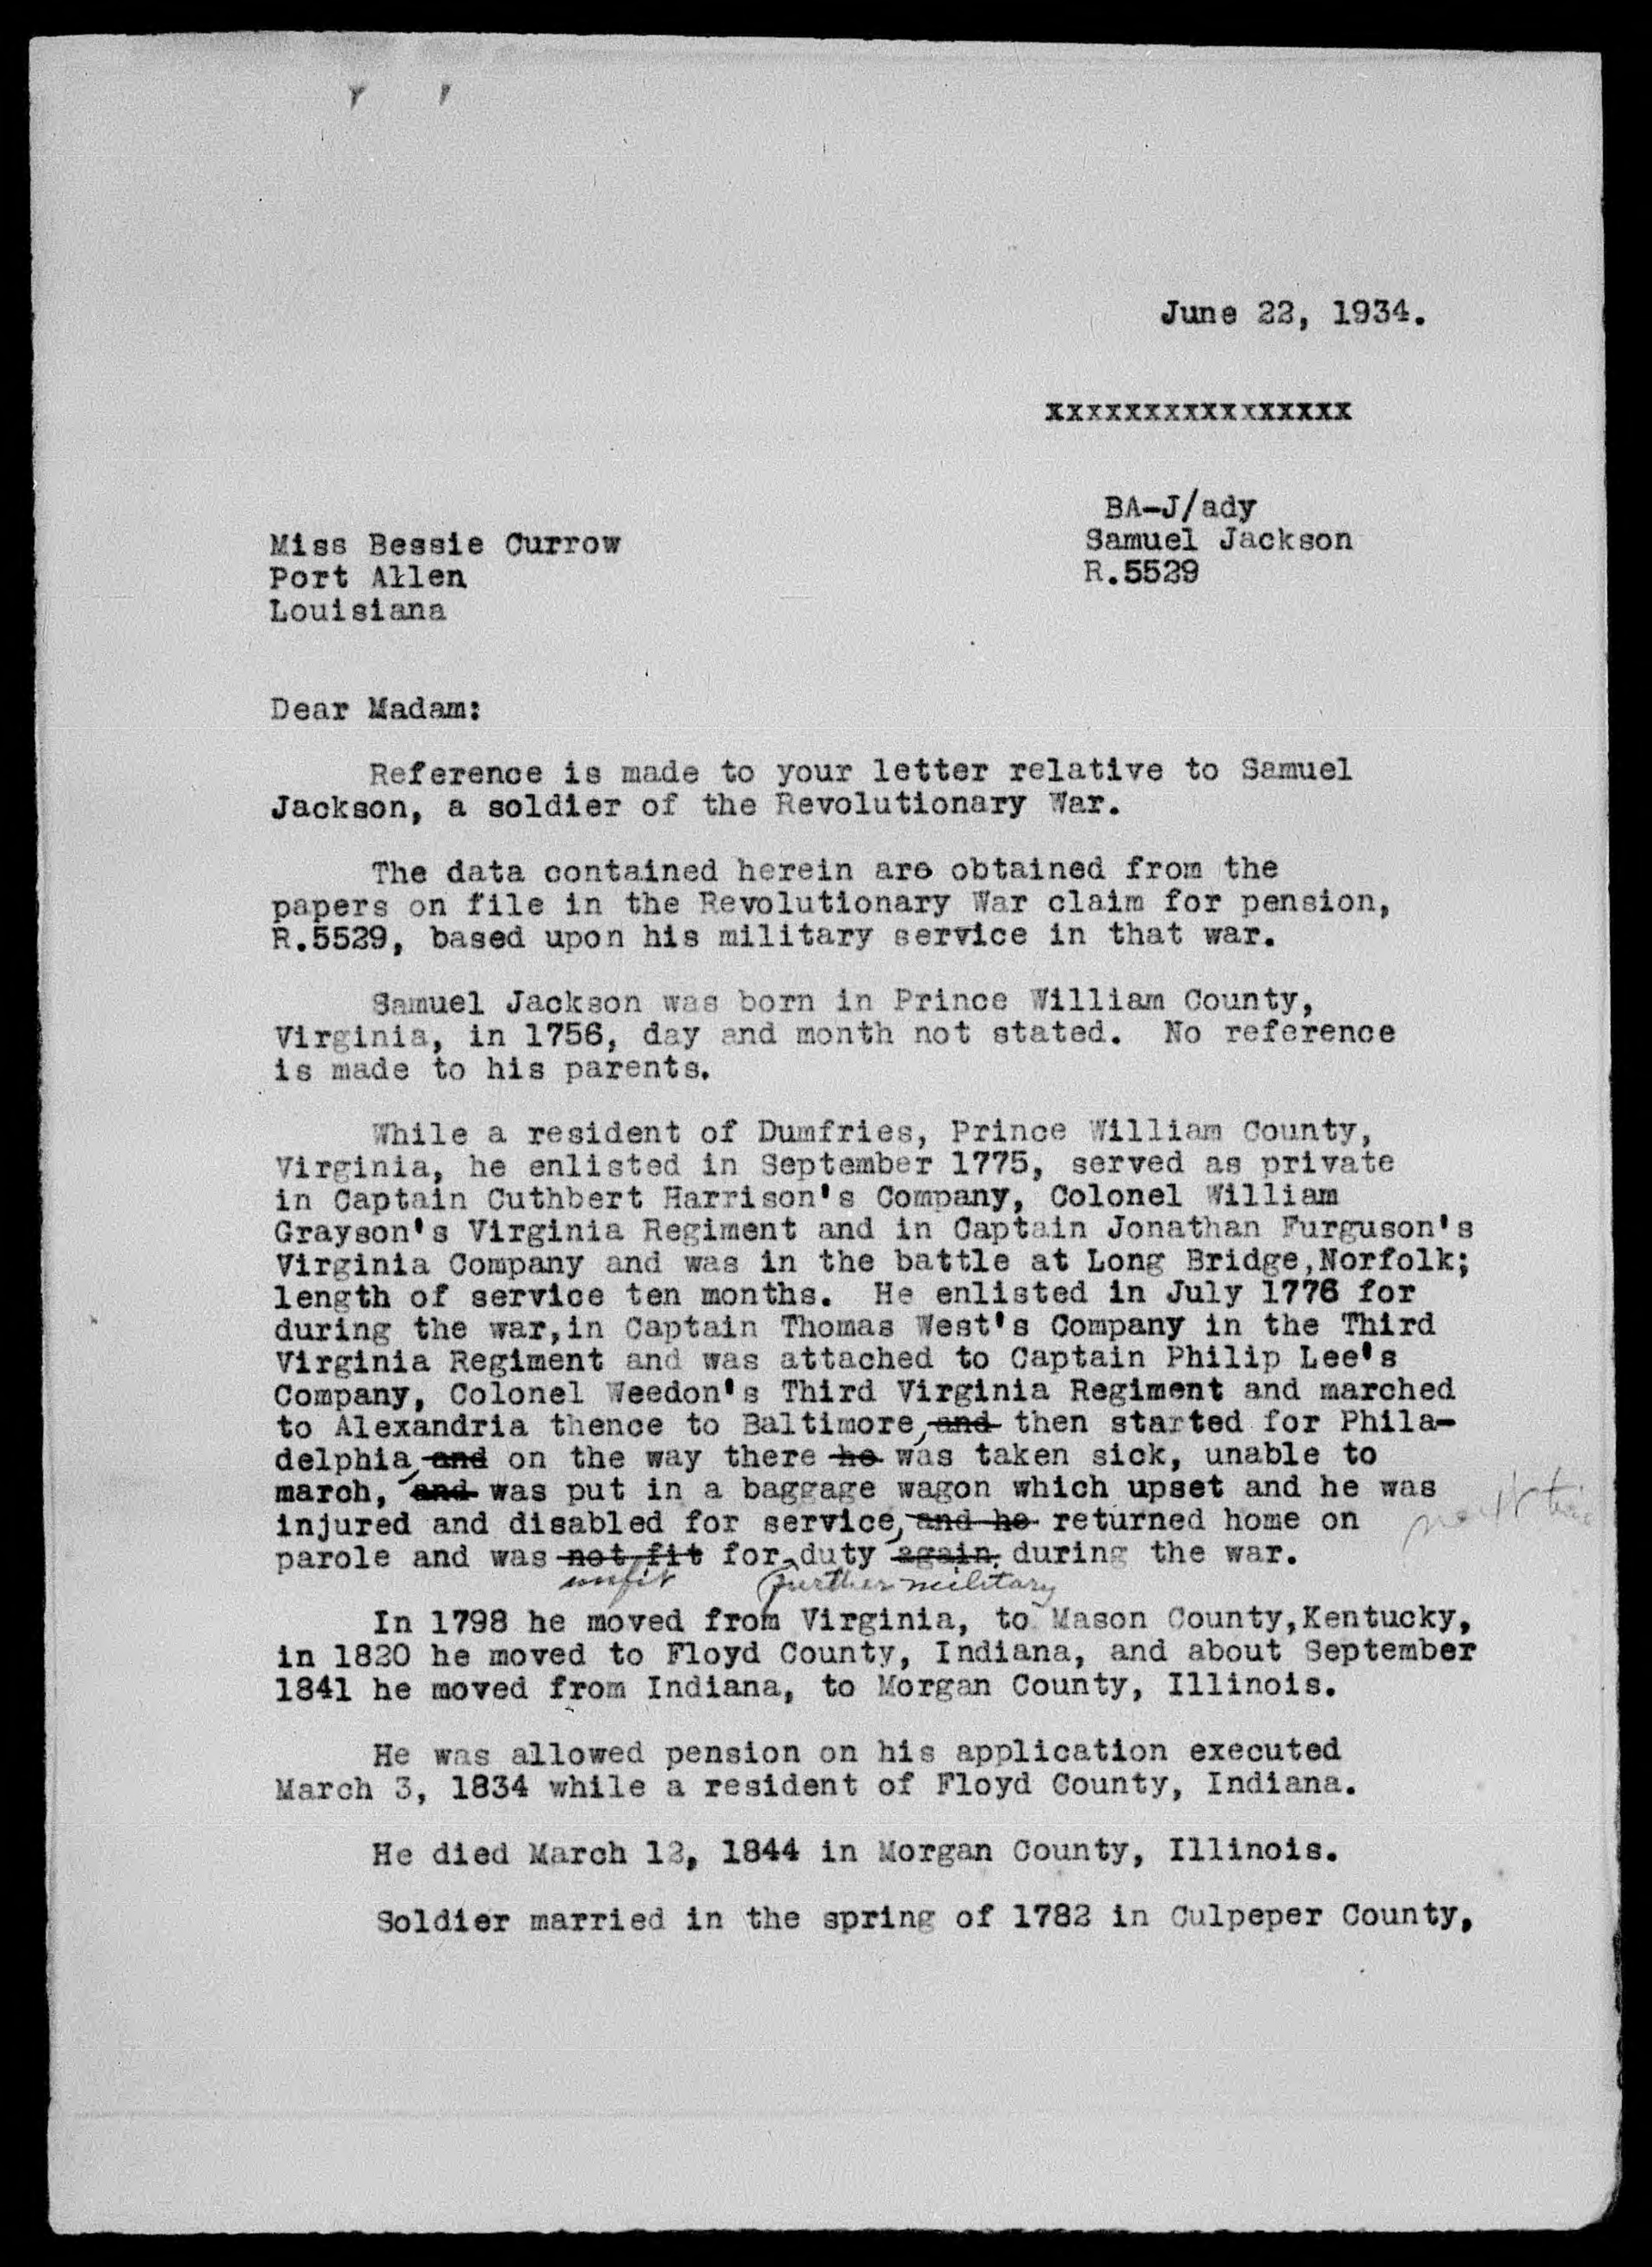June 22, 1934.
XXXXXXXXXXXXXXXX

BA-J/ady
Samuel Jackson
R. 5529

Miss Bessie Currow
Port Allen
Louisiana

Dear Madam:
Reference is made to your letter relative to Samuel
Jackson, a soldier of the Revolutionary War.

The data contained herein are obtained from the
papers on file in the Revolutionary War claim for pension,
R. 5529, based upon his military service in that war.
Samuel Jackson was born in Prince William County,
Virginia, in 1756, day and month not stated. No reference
is made to his parents.

While a resident of Dumfries, Prince William County,
Virginia, he enlisted in September 1775, served as private
in Captain Cuthbert Harrison's Company, Colonel William
Grayson's Virginia Regiment and in Captain Jonathan Furguson's
Virginia Company and was in the battle at Long Bridge, Norfolk;
length of service ten months. He enlisted in July 1776 for
during the war, in Captain Thomas West's Company in the Third
Virginia Regiment and was attached to Captain Philip Lee's
Company, Colonel Weedon's Third Virginia Regiment and marched
to Alexandria thence to Baltimore, [crossed out:] and then started for Philadelphia
[crossed out:] and on the way there [crossed out:] he was taken sick, unable to
march, [crossed out:] and was put in a baggage wagon which upset and he was
injured and disabled for service, [two words, crossed out:] and he returned home on
parole and was [two words, crossed out:] not fit [penciled in:] unfit for [penciled in, two words:] further military duty again during the war.

In 1798 he moved from Virginia, to Mason County, Kentucky,
in 1820 he moved to Floyd County, Indiana, and about September
1841 he moved from Indiana, to Morgan County, Illinois.

He was allowed pension on his application executed
March 3, 1834 while a resident of Floyd County, Indiana.

He died March 12, 1844 in Morgan County, Illinois.

Soldier married in the spring of 1782 in Culpeper County,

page: 53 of 56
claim: rejected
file: R 5529, for Samuel Jackson, Virginia